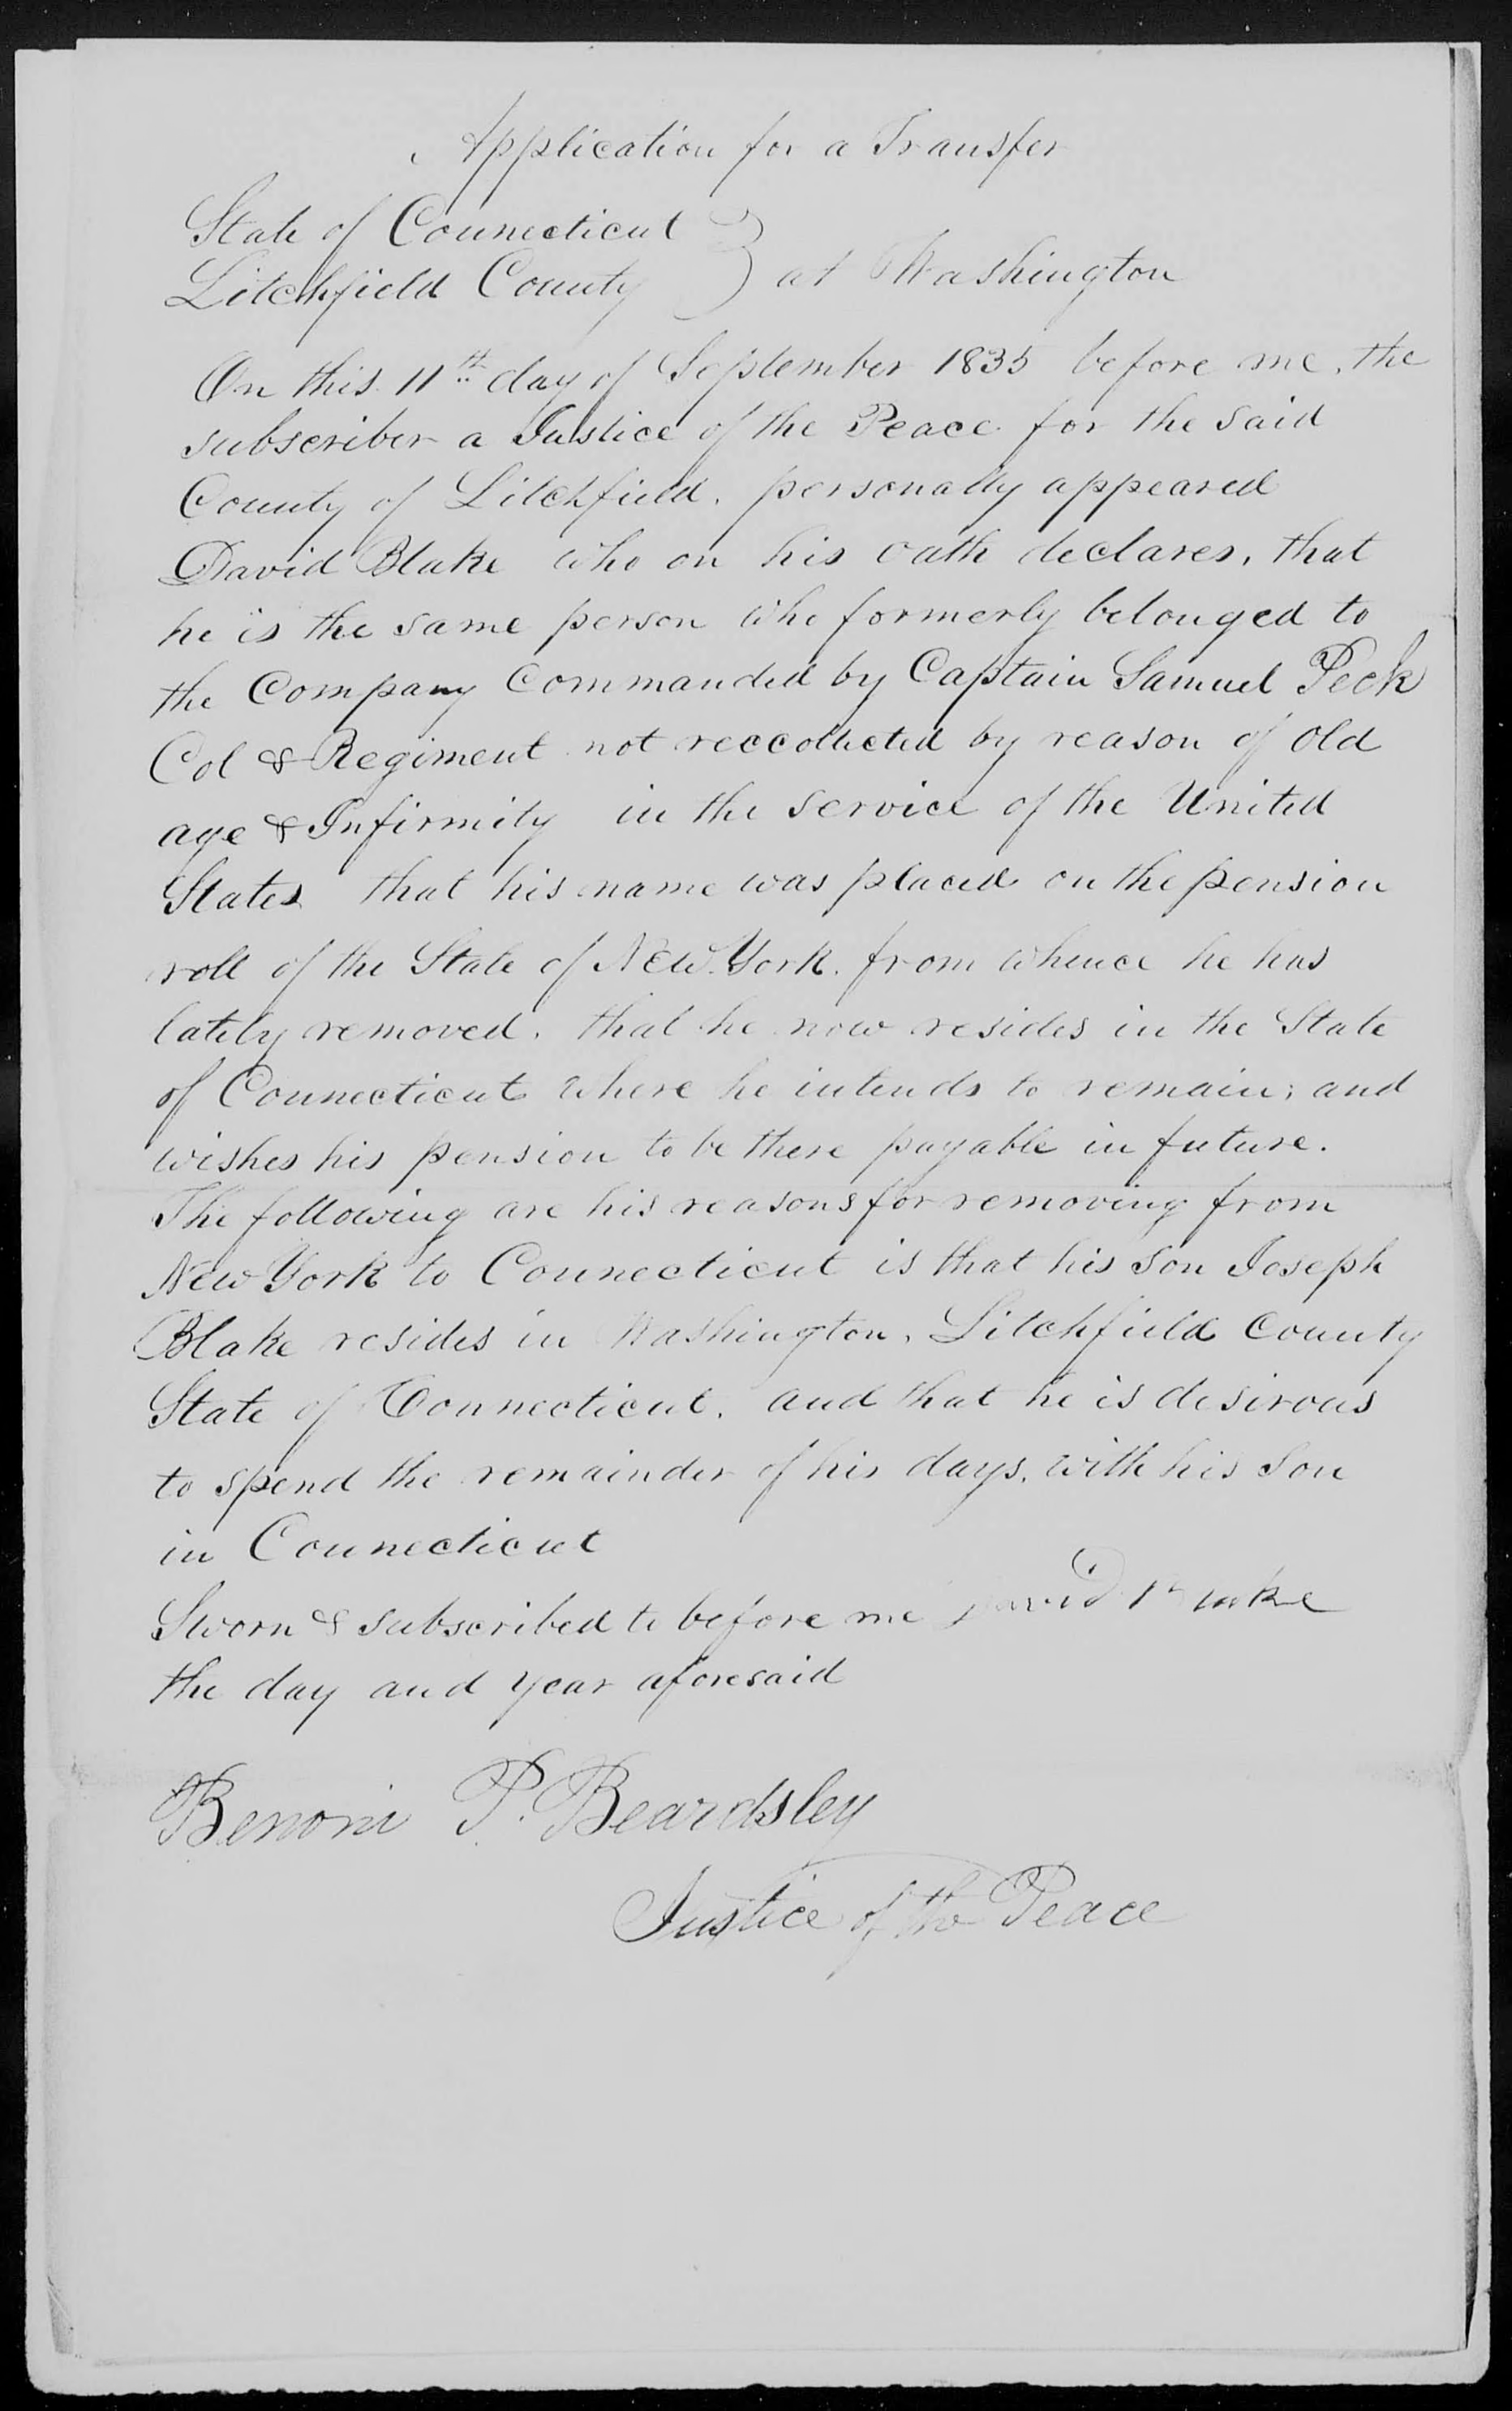application for a Transfer
State of Connecticut 
Litchfield County
at Washington
On this 11th day of September 1835 before me, the
subscriber a Justice of the Peace for the said
County of Litchfield personally appeared
David Blake who on his oath declares, that
he is the same person who formerly belonged to
the Company commanded by Captain Samuel Peck
Col & Regiment not reccollected by reason of old
age & Infirmity in the service of the United 
States that his name was placed on the pension
roll of the State of New York from whence he had
lately removed, that he now resides in the State 
of Connecticut where he intends to remain; and
wishes his pension to be there payable in future.
The following are his reasons for removing from
New York to Connecticut is that his son Joseph
Blake resides in Washington, Litchfield County
State of Connecticut. and that he is desirous
to spend the remainder of his days with his son
in Connecticut
Sworn & subscribed to before me David take
the day and year aforesaid
Benoni P. Beardsley
Justice of the Peace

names: Benoni P Beardsley, Samuel Peck, David Blake, Joseph Blake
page: 8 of 21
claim: survivor's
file: S. 23,128, David Blake, Conn.